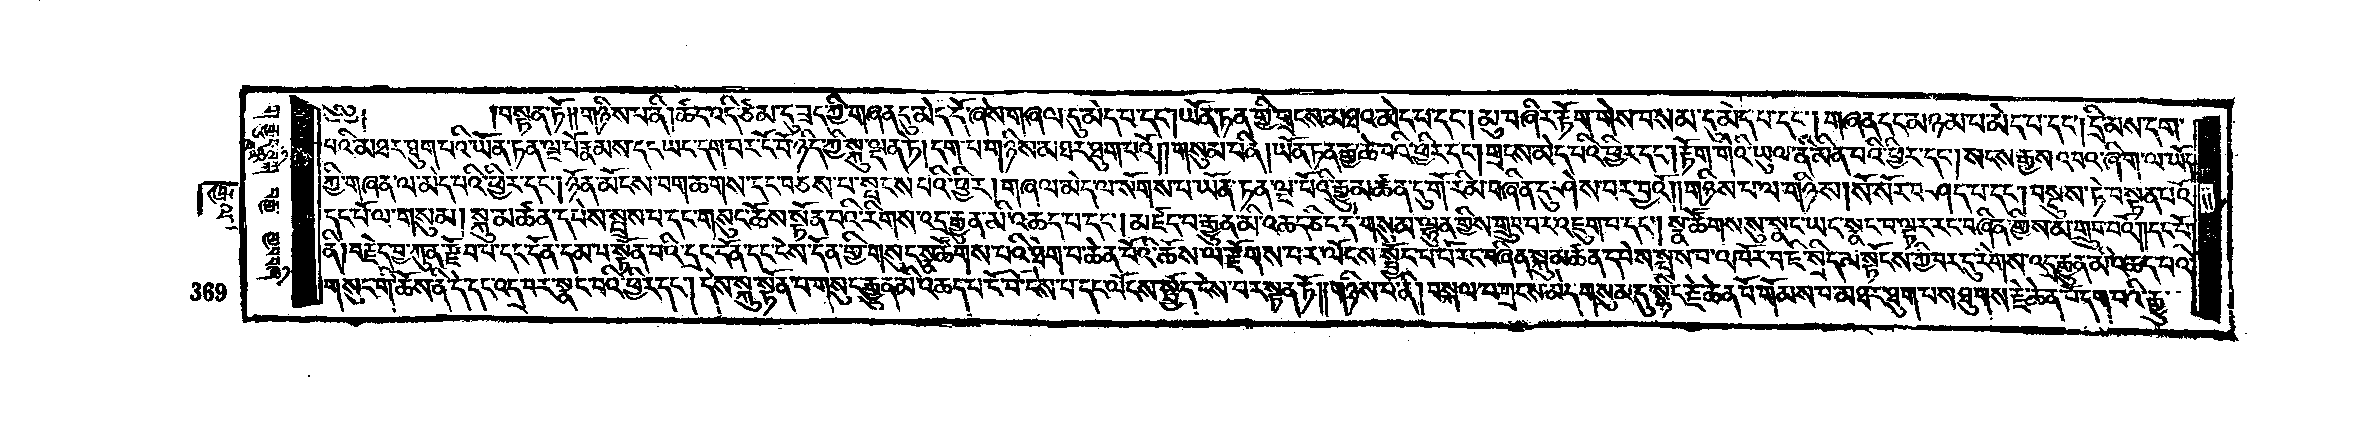༄༅། །བསྟན་ཏོ། །གཉིས་པ་ནི། ཚང་འདི་ཙམ་དུ་ཟད་ཀྱི་གཞན་དུ་མེད་དོ་ཞེས་གཞལ་དུ་མེད་པ་དང་། ཡོན་ཏན་གྱི་གྲངས་མཐའ་མེད་པ་དང་། མུ་བཞིར་རྟོག་གེས་བསམ་དུ་མེད་པ་དང་། གཞན་དང་མཉམ་པ་མེད་པ་དང་། དྲི་མས་དག་
པའི་མཐར་ཐུག་པའི་ཡོན་ཏན་ལྔ་པོ་རྣམས་དང་ཡང་དག་པར་ངོ་བོ་ཉིད་ཀྱི་སྐུ་ལྡན་ཏེ། དག་པ་གཉིས་མཐར་ཐུག་པའོ། །གསུམ་པ་ནི། ཡོན་ཏན་རྒྱ་ཆེ་བའི་ཕྱིར་དང་། གྲངས་མེད་པའི་ཕྱིར་དང་། རྟོག་གེའི་ཡུལ་ནི་མིན་པའི་ཕྱིར་དང་། སངས་རྒྱས་འབའ་ཞིག་ལ་ཡོད་
ཀྱི་གཞན་ལ་མེད་པའི་ཕྱིར་དང་། ཉོན་མོངས་བག་ཆགས་དང་བཅས་པ་སྤངས་པའི་ཕྱིར། གཞལ་མེད་ལ་སོགས་པ་ཡོན་ཏན་ལྔ་པོའི་རྒྱུ་མཚན་དུ་གོ་རིམ་བཞིན་དུ་ཤེས་པར་བྱའོ། །གཉིས་པ་ལ་གཉིས། སོ་སོར་བཤད་པ་དང་། བསྡུས་ཏེ་བསྟན་པའོ། །
དང་པོ་ལ་གསུམ། སྐུ་མཚན་དཔེས་སྤྲས་པ་དང་གསུང་ཆོས་སྟོན་པའི་རིགས་འདྲ་རྒྱུན་མི་འཆད་པ་དང་། མཛད་པ་རྒྱུན་མི་འཆད་ཅིང་དེ་གསུམ་ལྷུན་གྱིས་གྲུབ་པར་འཇུག་པ་དང་། སྣ་ཚོགས་སུ་སྣང་ཡང་སྣང་བ་ལྟར་རང་བཞིན་གྱིས་མ་གྲུབ་པའོ། །དང་པོ་
ནི༑ བརྗེད་བྱ་ཀུན་རྫོབ་པ་དང་དོན་དམ་པ་སྟོན་པའི་དྲང་དོན་དང་ངེས་དོན་གྱི་གསུང་སྣ་ཚོགས་པའི་ཐེག་པ་ཆེན་པོའི་ཆོས་ལ་རྫོགས་པར་ལོངས་སྤྱོད་པ་པོ་རང་བཞིན་སྐུ་མཚན་དཔེས་སྤྲས་པ་འཁོར་བ་ཇི་སྲིད་མ་སྟོངས་ཀྱི་བར་དུ་རིགས་འདྲ་རྒྱུན་མི་འཆད་པའི་
གསུང་གི་ཆོས་ནི་དེ་དང་འདྲ་བར་སྣང་བའི་ཕྱིར་དང་། དེས་སྐུ་སྟོན་པ་གསུང་རྒྱུན་མི་འཆད་པ་ངོ་བོ་ངེས་པ་དང་ལོངས་སྤྱོད་ངེས་པར་སྟན་ཏོ། །གཉིས་པ་ནི། བསྐལ་པ་གྲངས་མེད་གསུམ་དུ་སྙིང་རྗེ་ཆེན་པོ་གོམས་པ་མཐར་ཐུག་པས་ཐུགས་རྗེ་ཆེན་པོ་དག་པའི་རྒྱུ་